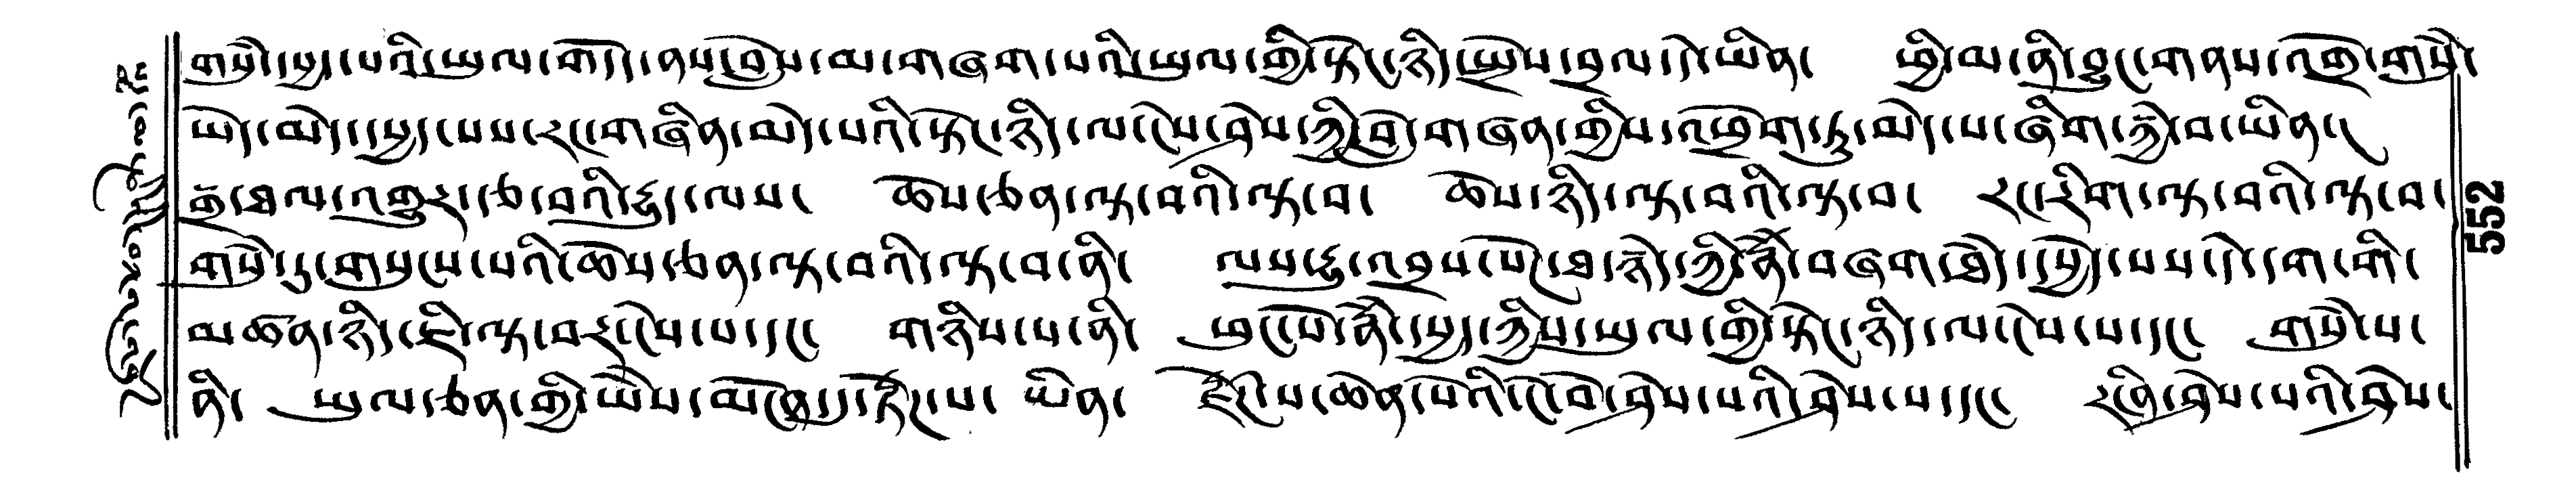གསུམ་དཔྱོད་པའི་ཡུལ་གདོད་ནས་བློས་མ་གཞག་པའི་ཡུལ་གྱི་སྟོང་ཉིད་སྤྲོས་བྲལ་དེ་ཡིན། ཕྱི་མ་ནི་འབྱུང་གནས་འགྲོ་གསུམ་
ཡོད་མེད་དཔྱད་པས་རང་གཞིན་མེད་པའི་སྟོང་ཉིད་ལ་ངེས་ཤེས་ཀྱི་བློ་གཞན་གྱིས་འཕྲོག་ཏུ་མེད་པ་ཞིག་སྐྱེ་བ་ཡིན། 
སྒྲ་ཐལ་འགྱུར་རྩ་བའི་རྒྱུད་ལས། ཆོས་ཅན་བལྟ་བའི་ལྟ་བ། ཆོས་ཉིད་བལྟ་བའི་ལྟ་བ། རང་རིག་ལྟ་བའི་ལྟ་བ། 
གསུམ་དུ་གསུངས་པའི་དང་པོ་ཆོས་ཅན་བལྟ་བའི་ལྟ་བ་ནི། ལས་རྒྱུ་འབྲས་སོགས་ཐ་སྙད་ཀྱི་རྣམ་བཞག་ཐམས་ཅད་དཔྱད་པས་དེ་དག་གི་
མཚན་ཉིད་ཇི་ལྟ་བར་ངེས་པ་དང་། གཉིས་པ་ནི། ཕུང་པོ་རྣམ་དཔྱད་ཀྱིས་ཡུལ་གྱི་སྟོང་ཉིད་ལ་ངེས་པ་དང་། གསུམ་པ་
ནི། ཡུལ་ཅན་གྱི་ཡེ་ཤེས་མངོན་དུ་རྟོགས་པ་ཡིན། རྫོགས་པ་ཆེན་པོའི་ངོ་བོ་ཤེས་པའི་ཤེས་པ་དང་། རང་བཞིན་ཤེས་པའི་ཤེས་